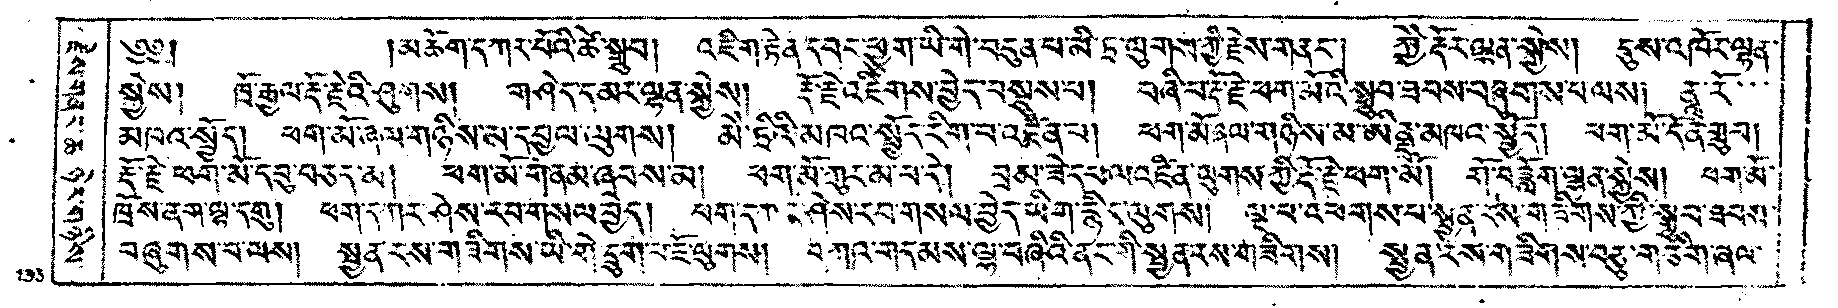༄༅། །མཆོག་དཀར་པོའི་ཚེ་སྒྲུབ། འཇིག་རྟེན་དབང་ཕྱུག་ཡི་གེ་བདུན་པ་མི་ཏྲ་ལུགས་ཀྱི་རྗེས་གནང་། ཀྱཻ་རྡོར་ལྷན་སྐྱེས། དུས་འཁོར་ལྷན་
སྐྱེས། ཁྲོ་རྒྱལ་རྡོ་རྗེའི་ཤུགས། གཤེད་དམར་ལྷན་སྐྱེས། རྡོ་རྗེ་འཇིགས་བྱེད་བསྡུས་པ། བཞི་པ་རྡོ་རྗེ་ཕག་མོའི་སྒྲུབ་ཐབས་བཞུགས་པ་ལས། ནཱ་རོ་
མཁའ་སྤྱོད། ཕག་མོ་ཞལ་གཉིས་མ་དཔྱལ་ལུགས། མཻ་ཏྲིའི་མཁའ་སྤྱོད་རིག་པ་འཛིན་པ། ཕག་མོ་ཞལ་གཉིས་མ་ཨིནྡྲ་མཁའ་སྤྱོད། ཕག་མོ་དོན་གྲུབ།
རྡོ་རྗེ་ཕག་མོ་དབུ་བཅད་མ། ཕག་མོ་གནམ་ཞབས་མ། ཕག་མོ་ཀུར་མ་པ་དེ། བྲམ་ཟེ་དཔལ་འཛིན་ལུགས་ཀྱི་རྡོ་རྗེ་ཕག་མོ། གོ་བཟློག་ལྷན་སྐྱེས། ཕག་མོ་
ཁྲོས་ནག་ལྷ་དགུ། ཕག་དཀར་ཤེས་རབ་གསལ་བྱེད། ཕག་དཀར་ཤེས་རབ་གསལ་བྱེད་ཡིག་རྙིང་ལུགས། ལྔ་པ་འཕགས་པ་སྤྱན་རས་གཟིགས་ཀྱི་སྒྲུབ་ཐབས་
བཞུགས་པ་ལས། སྤྱན་རས་གཟིགས་ཡི་གེ་དྲུག་པ་ཇོ་ལུགས། བཀའ་གདམས་ལྷ་བཞིའི་ནང་གི་སྤྱན་རས་གཟིགས། སྤྱན་རས་གཟིགས་བཅུ་གཅིག་ཞལ་